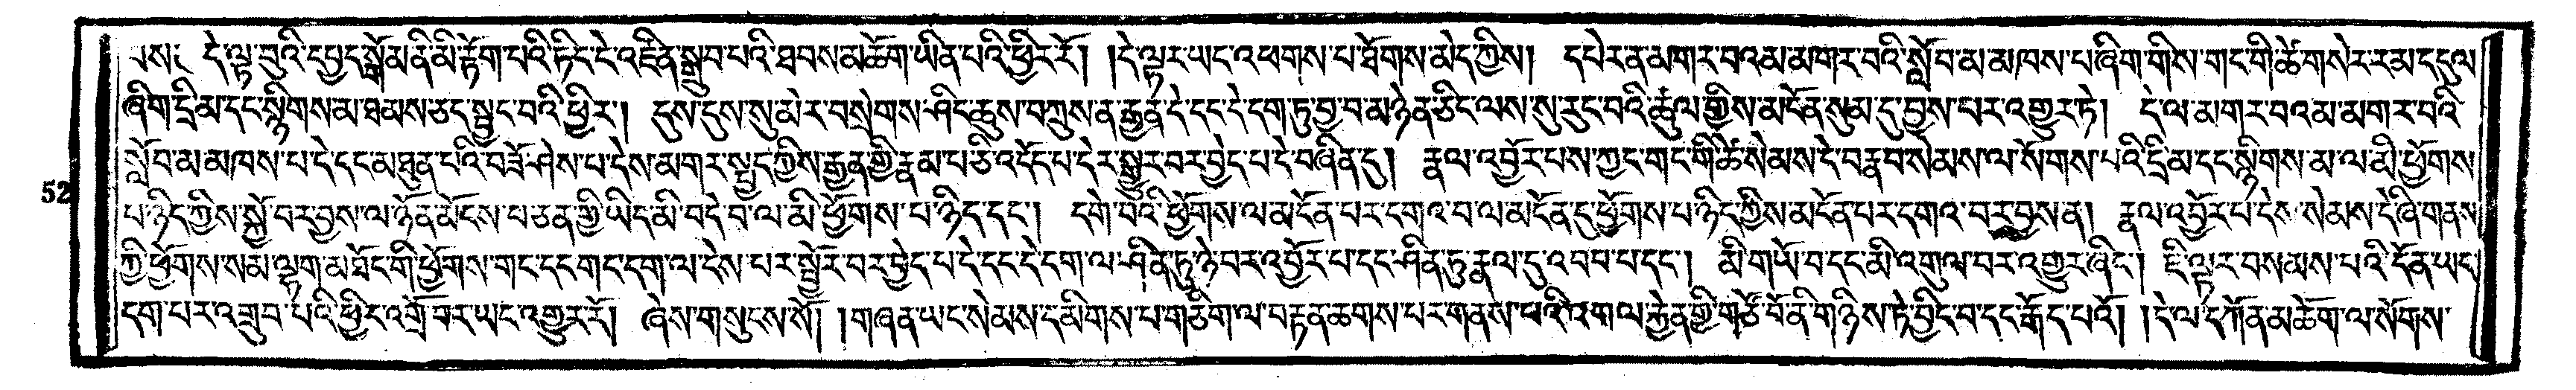པས༑ དེ་ལྟ་བུའི་དཔྱད་སྒོམ་ནི་མི་རྟོག་པའི་ཏིང་ངེ་འཛིན་སྒྲུབ་པའི་ཐབས་མཆོག་ཡིན་པའི་ཕྱིར་རོ། །དེ་ལྟར་ཡང་འཕགས་པ་ཐོགས་མེད་ཀྱིས། དཔེར་ན་མགར་བའམ་མགར་བའི་སློབ་མ་མཁས་པ་ཞིག་གིས་གང་གི་ཚེ་གསེར་རམ་དངུལ་
ཞིག་དྲི་མ་དང་སྙིགས་མ་ཐམས་ཅད་སྦྱང་བའི་ཕྱིར། དུས་དུས་སུ་མེར་བསྲེགས་ཤིང་ཆུས་བཀྲུས་ན་རྒྱན་དེ་དང་དེ་དག་ཏུ་བྱ་བ་མཉེན་ཅིང་ལས་སུ་རུང་བའི་ཚུལ་གྱིས་མངོན་སུམ་དུ་བྱས་པར་འགྱུར་ཏེ། དེ་ལ་མགར་བའམ་མགར་བའི་
སློབ་མ་མཁས་པ་དེ་དང་མཐུན་པའི་བཟོ་ཤེས་པ་དེས་མགར་སྤྱད་ཀྱིས་རྒྱན་གྱི་རྣམ་པ་ཅི་འདོད་པ་དེར་སྒྱུར་བར་བྱེད་པ་དེ་བཞིན་དུ། རྣལ་འབྱོར་པས་ཀྱང་གང་གི་ཚེ་སེམས་དེ་བརྣབ་སེམས་ལ་སོགས་པའི་དྲི་མ་དང་སྙིགས་མ་ལ་མི་ཕྱོགས་
པ་ཉིད་ཀྱིས་སྐྱོ་བར་བྱས་ལ་ཉོན་མོངས་པ་ཅན་གྱི་ཡིད་མི་བདེ་བ་ལ་མི་ཕྱོགས་པ་ཉིད་དང་། དགེ་བའི་ཕྱོགས་ལ་མངོན་པར་དགའ་བ་ལ་མངོན་དུ་ཕྱོགས་པ་ཉིད་ཀྱིས་མངོན་པར་དགའ་བར་བྱས་ན། རྣལ་འབྱོར་པ་དེས་སེམས་དེ་ཞི་གནས་
ཀྱི་ཕྱོགས་སམ་ལྷག་མཐོང་གི་ཕྱོགས་གང་དང་གང་དག་ལ་ངེས་པར་སྦྱོར་བར་བྱེད་པ་དེ་དང་དེ་དག་ལ་ཤིན་ཏུ་ཉེ་བར་འབྱོར་པ་དང་ཤིན་ཏུ་རྣལ་དུ་འབབ་པ་དང་། མི་གཡོ་བ་དང་མི་འགུལ་བར་འགྱུར་ཞིང་། ཇི་ལྟར་བསམས་པའི་དོན་ཡང་
དག་པར་འགྲུབ་པའི་ཕྱིར་འགྲོ་བར་ཡང་འགྱུར་རོ། ཞེས་གསུངས་སོ། །གཞན་ཡང་སེམས་དམིགས་པ་གཅིག་ལ་བརྟན་ཆགས་པར་གནས་པའི་འགལ་རྐྱེན་གྱི་གཙོ་བོ་ནི་གཉིས་ཏེ་བྱིང་བ་དང་རྒོད་པའོ། །དེ་ལ་དཀོན་མཆོག་ལ་སོགས་